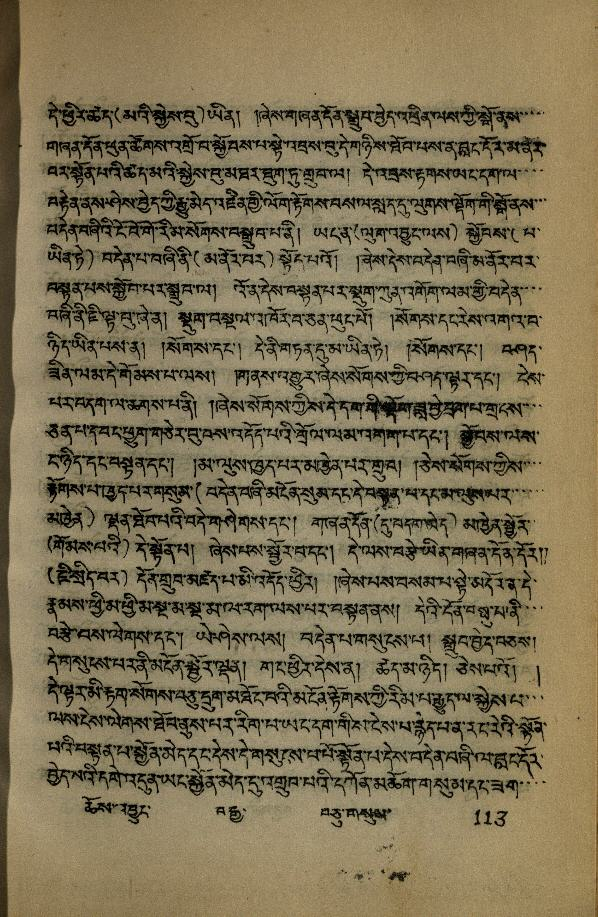དེ་ཕྱིར་ཚད་མའི་སྐྱེས་བུ་ཡིན། །ཞེས་གཞན་དོན་སྒྲུབ་བྱེད་འཕྲིན་ལས་ཀྱི་སྒོ་ནས་
གཞན་དོན་ཕུན་ཚོགས་འགྲོ་བ་སྐྱོབས་པ་སྟེ་འབྲས་བུ་དེ་གཉིས་ཐོབ་པས་ན་བླང་དོར་མ་ནོར་
བར་སྟོན་པའི་ཚད་མའི་སྐྱེས་བུ་མཐར་ཐུག་ཏུ་གྲུབ་ལ། དེ་འབྲས་རྟགས་ཡང་དག་ལ་
བརྟེན་ནས་ཤེས་བྱེད་ཀྱི་རྒྱུ་མེད་འཛིན་གྱི་ལོག་རྟོགས་བསལ་སླད་དུ་ལུགས་ལྡོག་གི་སྒོ་ནས་
བདེན་བཞིའི་ངོ་བོ་གོ་རིམ་སོགས་བསྒྲུབ་པ་ནི། ཡང་ན་ལུག་འབྱུང་ལས་སྐྱོབས་པ་
ཡིན་ཏེ་བདེན་པ་བཞི་ནི་མ་ནོར་བར་སྟོད་པའོ། །ཞེས་དེས་བདེན་བཞི་མ་ནོར་བར་
བསྟན་པས་སྐྱོབ་པར་སྒྲུབ་ལ། འོ་ན་དེས་བསྟན་པར་སྡུག་ཀུན་འགོག་ལམ་གྱི་བདེན་
བཞི་ནི་ཇི་ལྟ་བུ་ཞེ་ན། སྡུག་བསྔལ་འཁོར་བ་ཅན་ཕུང་པོ། །སོགས་དང་རེས་འགའ་བ་
ཉིད་ཡིན་པས་ན། །སོགས་དང་། དེ་ནི་གཏན་དུ་མ་ཡིན་ཏེ། །སོགས་དང་། བཤད་
ཟིན་ལམ་དེ་གོམས་པ་ལས། །གནས་འགྱུར་ཞེས་སོགས་ཀྱི་བཤད་ལྟར་དང་། ངེས་
པར་བདག་ལ་ཆགས་པ་ནི། །ཞེས་སོགས་ཀྱིས་དེ་དག་གི་ལྡོག་ཟླ་བྱེ་བྲག་པ་གྲངས་
ཅན་པ་དབང་ཕྱུག་གཅེར་བུ་བས་འདོད་པའི་གྲོལ་ལམ་འགག་པ་དང་། སྐྱོབས་ལས་
ང་ཉིད་དང་བསྟན་དང་། །མ་ལུས་ཁྱད་པར་མཁྱེན་པར་གྲུབ། །ཅེས་སོགས་ཀྱིས་
རྟོགས་པ་ཁྱད་པར་གསུམ་བདེན་བཞི་མངོན་སུམ་དང་དེ་བསྟན་པ་དང་མ་ལུས་པར་
མཁྱེན་ལྡན་ཐོབ་པའི་བདེ་གཤེགས་དང་། གཞན་དོན་དུ་བདག་མེད་མཁྱེན་སྦྱོར་
གོམས་པའི་དེ་སྟོན་པ། ཞེས་པས་སྦྱོར་བ་དང་། དེ་ལས་བརྩེ་ཡིན་གཞན་དོན་དོར།།
ཇི་སྲིད་བར་དོན་གྲུབ་མཛད་པ་མི་འདོད་ཕྱིར། །ཞེས་པས་བསམ་པ་སྟེ་མདོར་ན་དེ་
རྣམས་ཕྱི་མ་ཕྱི་མ་སྔ་མ་སྔ་མ་ལ་རག་ལས་པར་བསྟན་ནས། དེའི་དོན་བསླུ་པ་ནི་
བརྩེ་བས་ལེགས་དང་། ཡེ་ཤེས་ལས། བདེན་པ་གསུངས་པ། སྒྲུབ་བྱེད་བཅས།
དེ་གསུངས་པར་ནི་མངོན་སྦྱོར་ལྡན། གང་ཕྱིར་དེས་ན། ཚད་མ་ཉིད། ཅེས་པའོ། །
དེ་ལྟར་མི་རྟག་སོགས་བཅུ་དྲུག་མཐོང་བའི་མངོན་རྟོགས་ཀྱི་རིམ་པ་རྒྱུད་ལ་སྐྱེས་པ་
ལས་ངེས་ལེགས་ཐོབ་ནུས་པར་རིག་པ་ཡང་དག་གིས་ངེས་པ་རྙེད་པ་ན་རང་རེའི་སྟོན་
པའི་བསྟན་པ་སྐྱོན་མེད་དང་དེས་དེ་གསུངས་པ་པོ་སྟོན་པ་དེས་བདེན་བཞི་ལ་བླང་དོར་
བྱེད་སའི་དགེ་འདུན་ཡང་སྐྱོན་མེད་དུ་འགྲུབ་པའི་དཀོན་མཆོག་གསུམ་དང་ཟག་